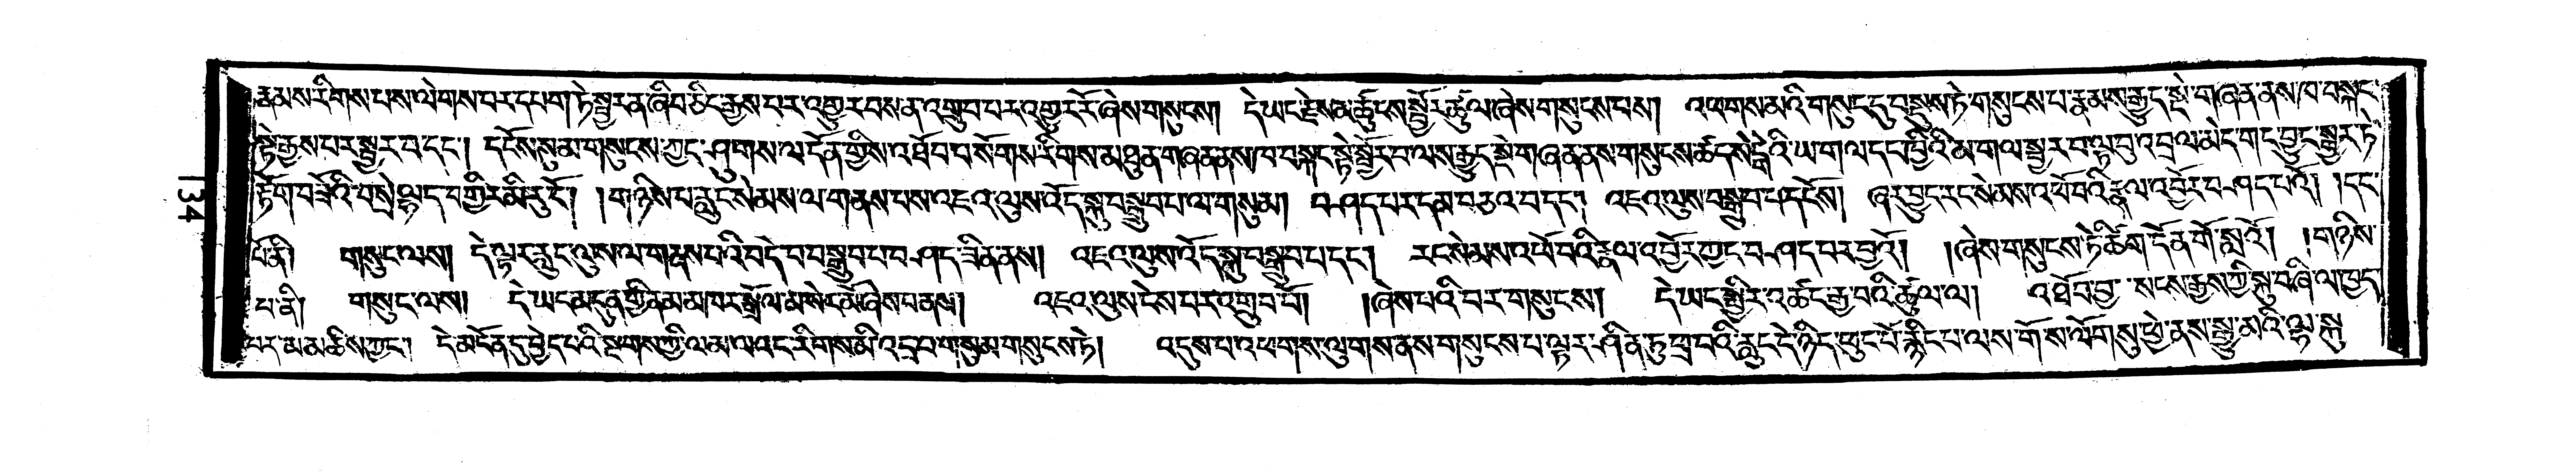རྣམས་རིགས་པས་ལེགས་པར་དཔག་སྟེ་སྦྱར་ན་ཞིབ་ཅིང་རྒྱས་པར་འགྱུར་བསན་འགྲུབ་པར་འགྱུར་རོ་ཞེས་གསུངས། དེ་ཡང་རྗེས་མཚུངས་སྦྱོར་ཚུལ་ཞེས་གསུངས་པས། འཕགས་མའི་གསུང་དུ་བསྡུས་ཏེ་གསུངས་པ་རྣམས་རྒྱུད་སྡེ་གཞན་ནས་ཁ་བསྐང་
སྟེ་རྒྱས་པར་སྦྱར་བ་དང་། དངོས་སུམ་གསུངས་ཀྱང་ཤུགས་ལ་དོན་གྱིས་འཐོབ་པ་སོགས་རིགས་མཐུན་གཞན་ནས་ཁ་བསྐང་སྟེ་སྦྱོར་བ་ལས་རྒྱུད་སྡེ་གཞན་ནས་གསུངས་ཚད་སེངྒེའི་ཡ་གལ་དང་ཁྱིའི་མ་གལ་སྦྱར་བ་ལྟ་བུ་འབྲེལ་མེད་གང་བྱུང་སྦྱར་ཏེ་
རྟོག་བཟོའི་བསྲེ་ལྷད་བགྱིར་མི་རུང་ངོ། །གཉིས་བརླུང་སེམས་ལ་གནས་པས་འཇའ་ལུས་འོད་སྐུ་བསྒྲུབ་པ་ལ་གསུམ། བཤད་པར་དམ་བཅའ་བ་དང་། འཇའ་ལུས་བསྒྲུབ་པ་དངོས། ཞར་བྱུང་རང་སེམས་འཕོ་བའི་རྣལ་འབྱོར་བཤད་པའོ། །དང་
པོ་ནི། གསུང་ལས། དེ་ལྟར་རླུང་ལུས་ལ་གནས་པའི་བདེ་བ་བསྒྲུབ་པ་བཤད་ཟིན་ནས། འཇའ་ལུས་འོད་སྐུ་བསྒྲུབ་པ་དང་། རང་སེམས་འཕོ་བའི་རྣལ་འབྱོར་ཀྱང་བཤད་པར་བྱའོ། །ཞེས་གསུངས་ཏེ་ཚིག་དོན་གོ་སླའོ། །གཉིས་
པ་ནི། གསུང་ལས། དེ་ཡང་མདུན་གྱི་ནམ་མཁར་སྒྲོལ་མ་སེར་མོ་ཞེས་པ་ནས། འཇའ་ལུས་ངེས་པར་འགྲུབ་བོ། །ཞེས་པའི་བར་གསུངས། དེ་ཡང་སྤྱིར་འཚང་རྒྱ་བའི་ཚུལ་ལ། འཐོབ་བྱ་སངས་རྒྱས་ཀྱི་སྐུ་བཞི་ལ་ཁྱད་
པར་མ་མཆིས་ཀྱང་། དེ་མངོན་དུ་བྱེད་པའི་སྔགས་ཀྱི་ལམ་ལ་རིགས་མི་འདྲ་བ་གསུམ་གསུངས་ཏེ། འདུས་པ་འཕགས་ལུགས་ནས་གསུངས་པ་ལྟར་ཤིན་ཏུ་ཕྲ་པའི་རླུང་དེ་ཉིད་ཕུང་པོ་རྙིང་པ་ལས་གོས་ལོགསུ་ཕྱེ་ནས་སྒྱུ་མའི་ལྷ་སྐུ་